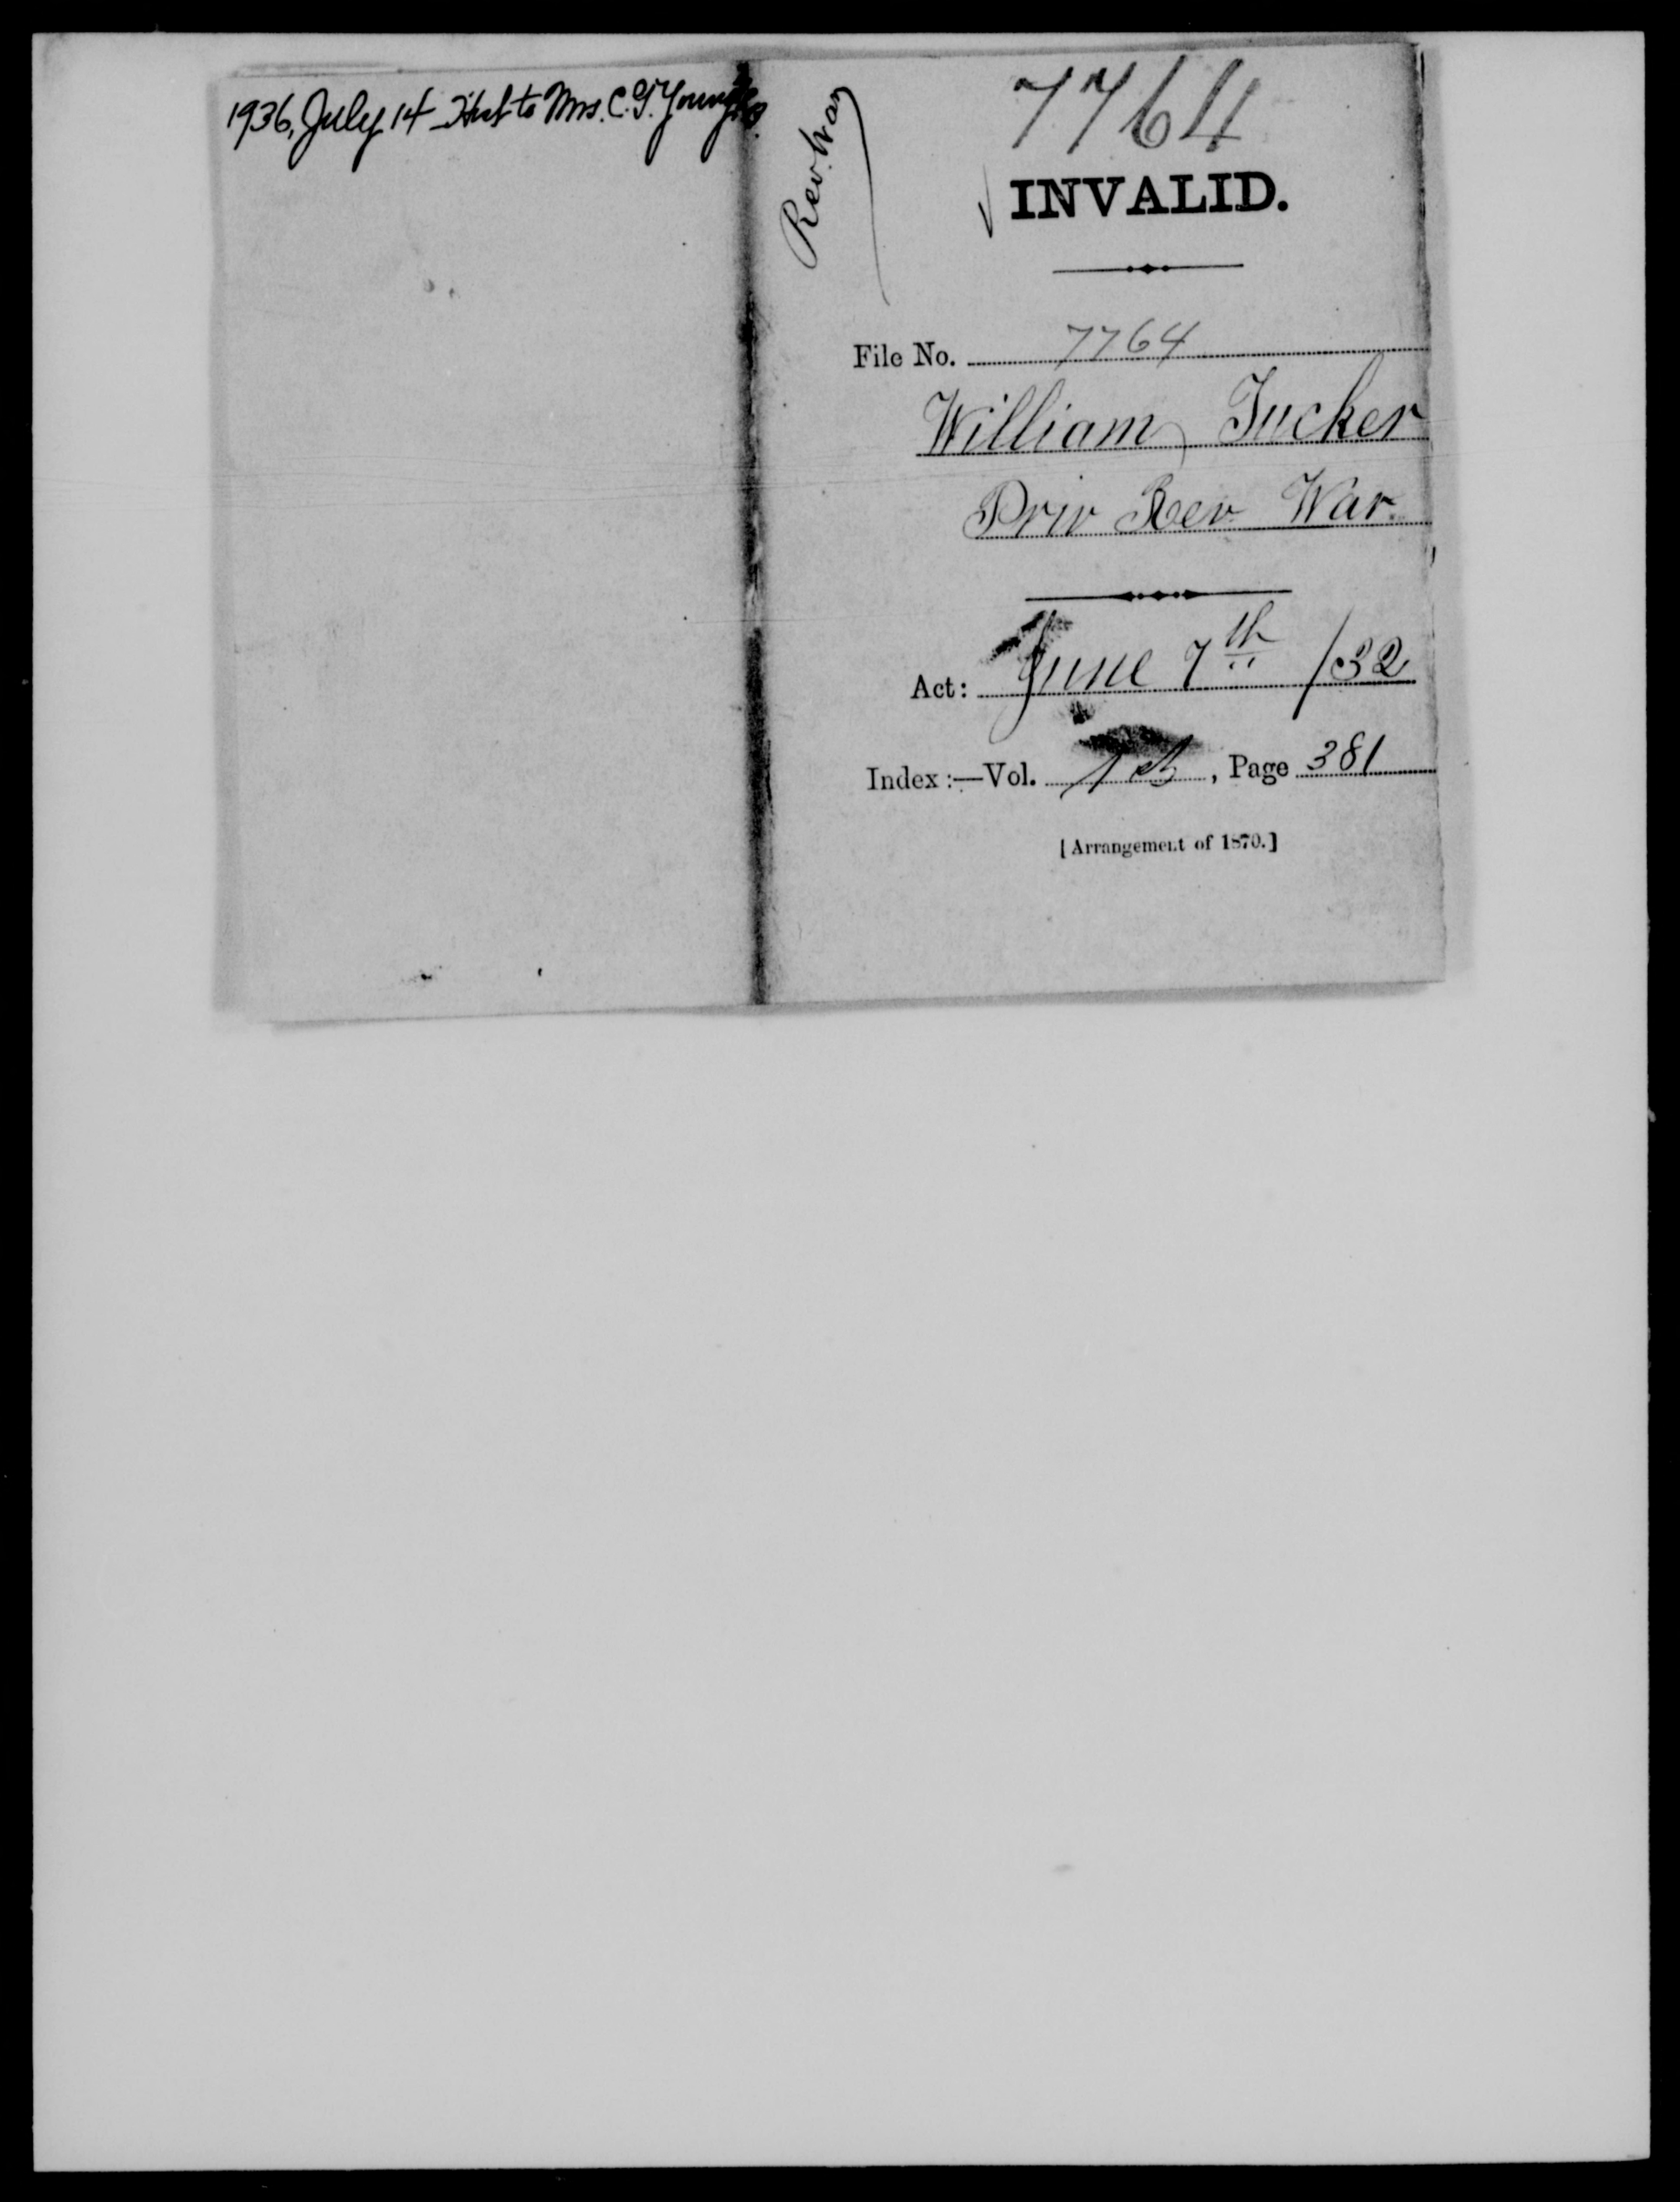1936, July 14 Hist to Mrs. C. W. Young
Rev War
7764
INVALID.
File No. 7764
William Tucker
Priv Rev War
June 7th /22
Index: - Vol. [illegible], Page 381
[Arrangement of 1870.]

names: C G Young, William Tucker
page: 13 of 13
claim: survivor's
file: S. 7764, William Tucker, Va.